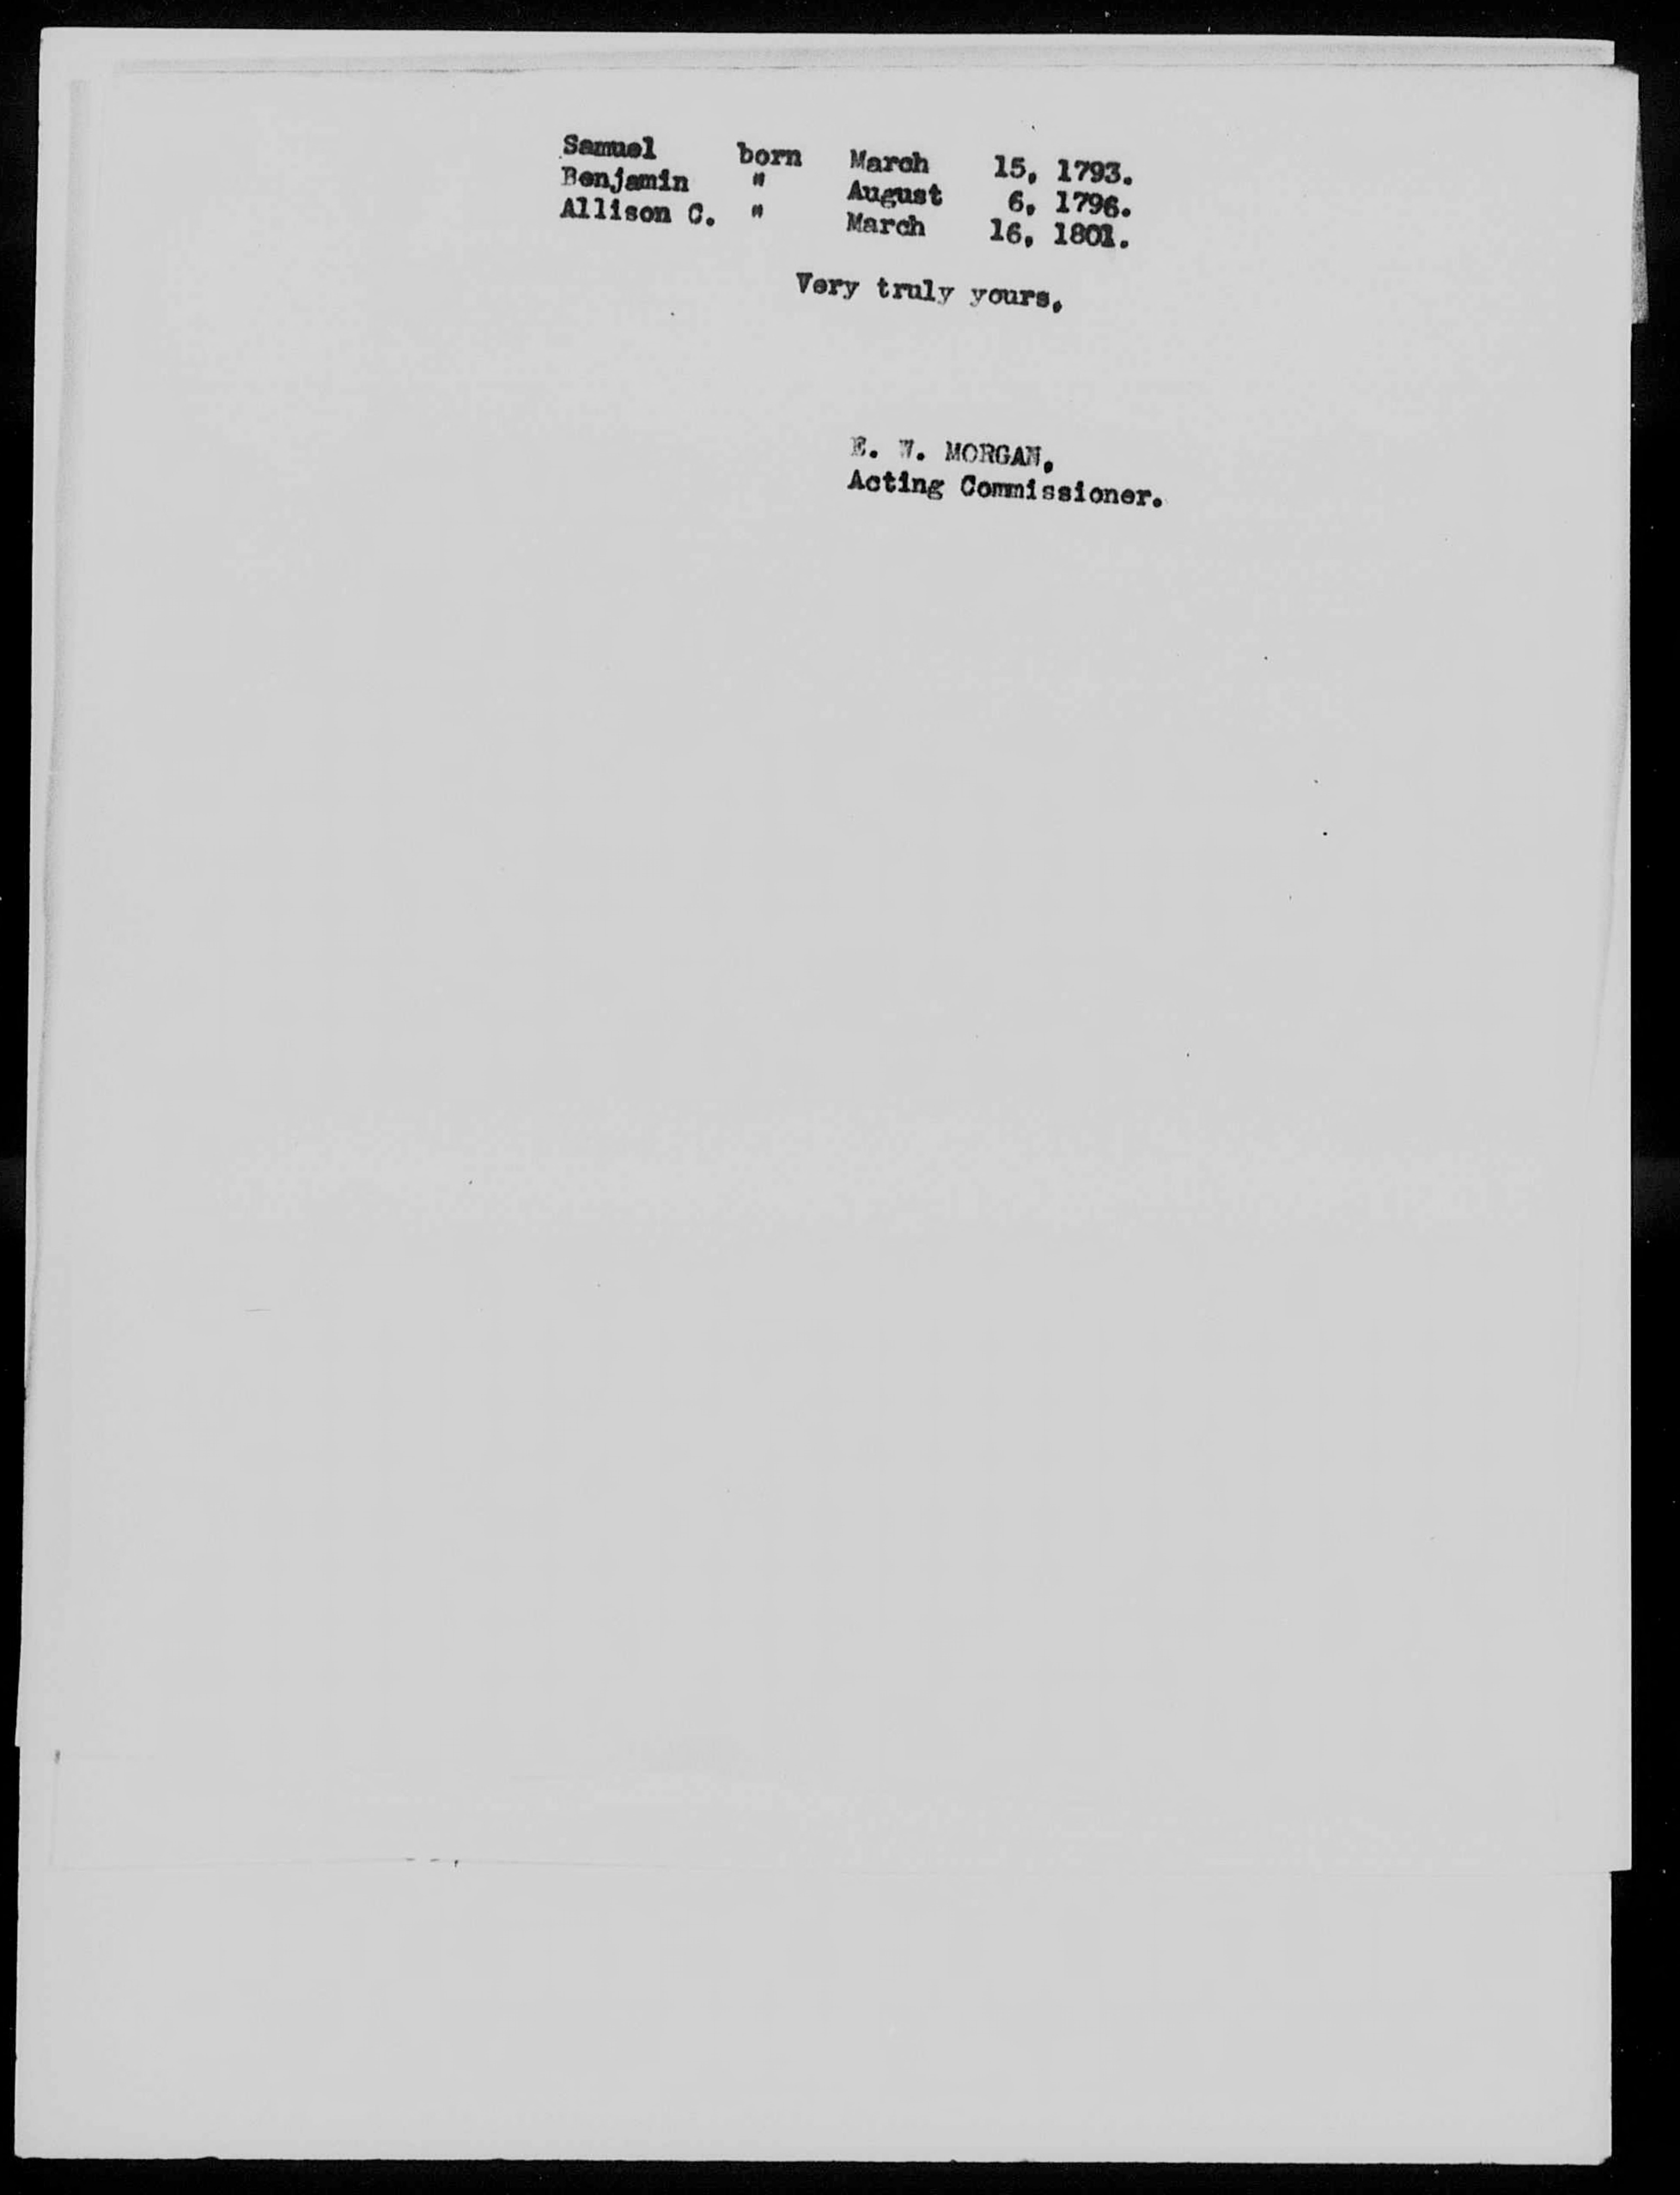Samuel   born    March 15, 1793
Benjamin  "        August 6, 1796
Allison C.  "        March 16, 1801

Very truly yours,
E. W. Morgan
Acting Commissioner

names: Benjamin, Allison C, Samuel, E W Morgan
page: 20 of 67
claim: rejected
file: R. 1009, Aaron Bonnel, New Jersey